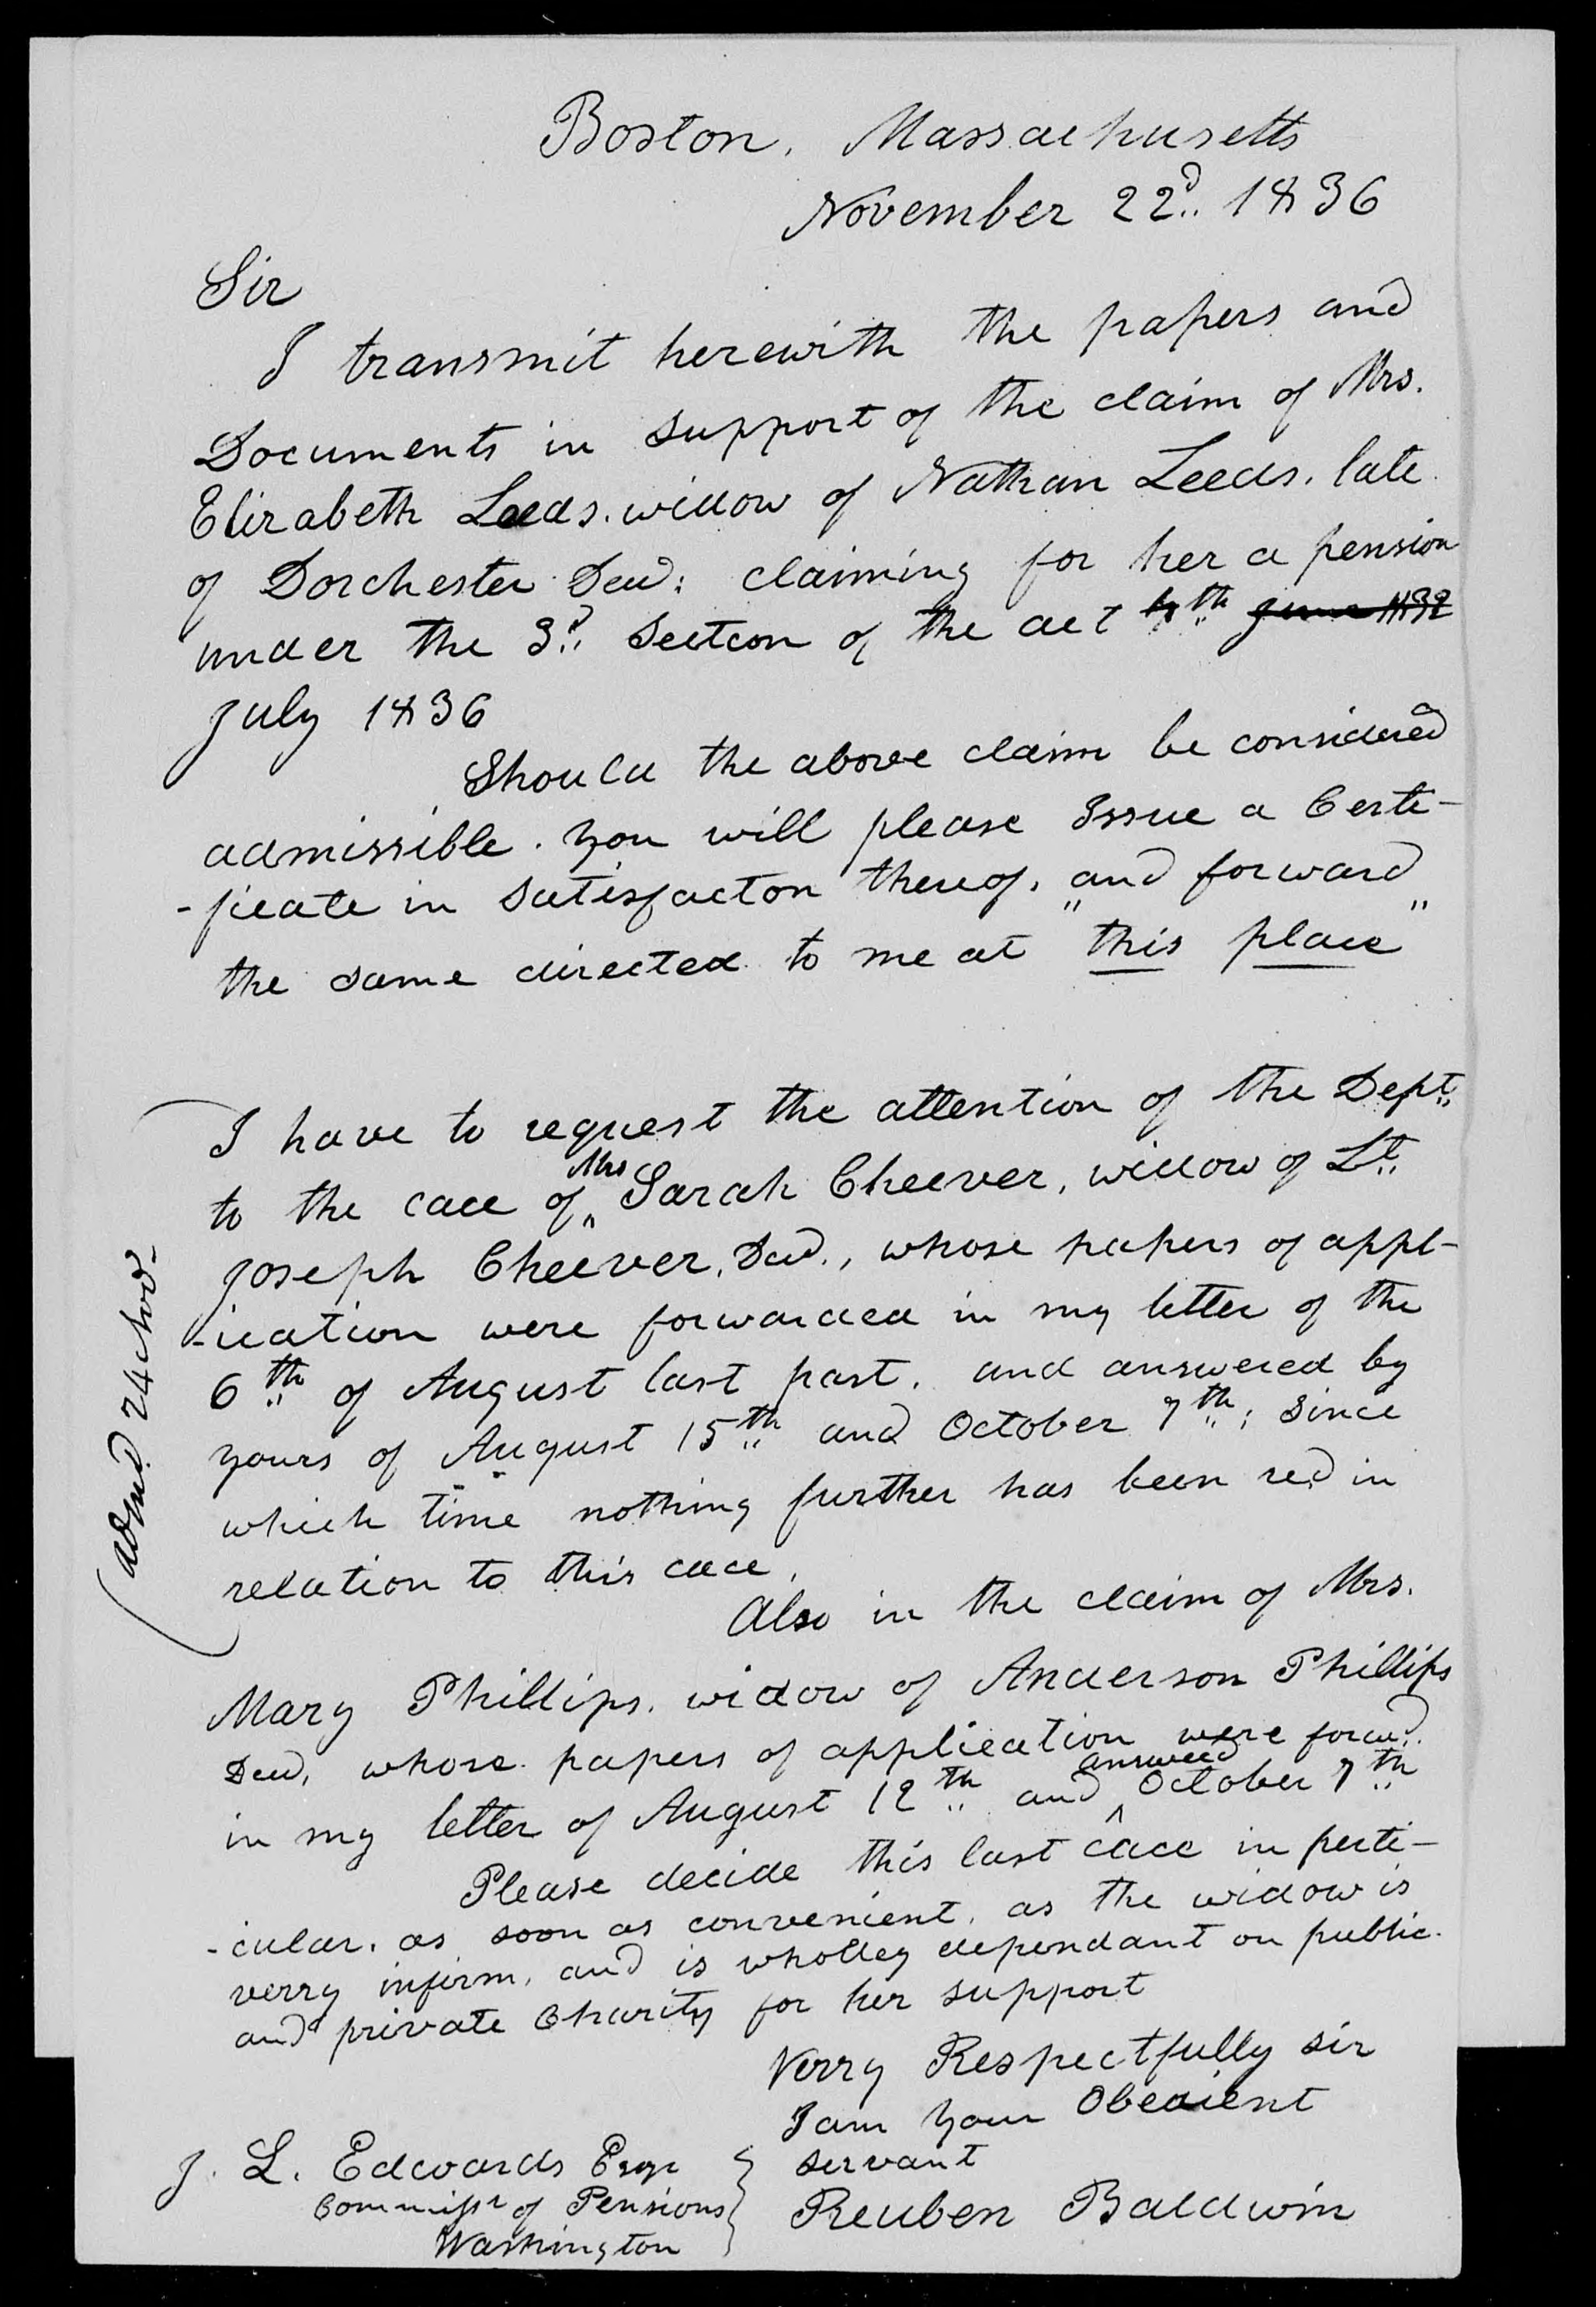Boston, Massachusetts
November 22d 1836
Sir
I transmit herewith the papers and
Documents in support of the claim of Mrs.
Elizabeth Leeds widow of
Nathan Leeds, late of Dorchester Decd: claiming for her a pension
under the 3d Section of the act 7th July 1836.
Should the above claim be considered
admissible. you will please Issue a certificate in satisfaction thereof, and forward
the same directed to me at "this place."
I have to request the attention of the Dept
to the case of Mrs. Sarah Cheever, Widow of Lt Joseph Cheever Decd, whose papers of application were forwarded in my letter of the
6th of August last past, and answered by
yours of August 15th and October 7th; since
which time nothing further has been re'd in
relation to this case
Also in the claim of Mrs. Mary
Phillips, widow of Anderson Phillips
Dec'd, whose papers of application were forward in my letter of August 12th and ^answered October 7th.
Please decide this last came in perticular
, as soon as convenient, as the widow is
very infirm, and is wholly dependent on public
and private charity for her support
Verry Respectfully Sir
I am Your Obedient servant
Reuben Baldwin
J.L. Edwards Esq
Commissioner of Pensions
Washington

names: Anderson Phillips; Sarah Cheever; Joseph Cheever; Nathan Leeds; Elizabeth Leeds; Mary Phillips; Reuben Baldwin; J L Edwards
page: 26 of 33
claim: widow's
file: W. 21,567, for Nathan Leeds, Massachusetts